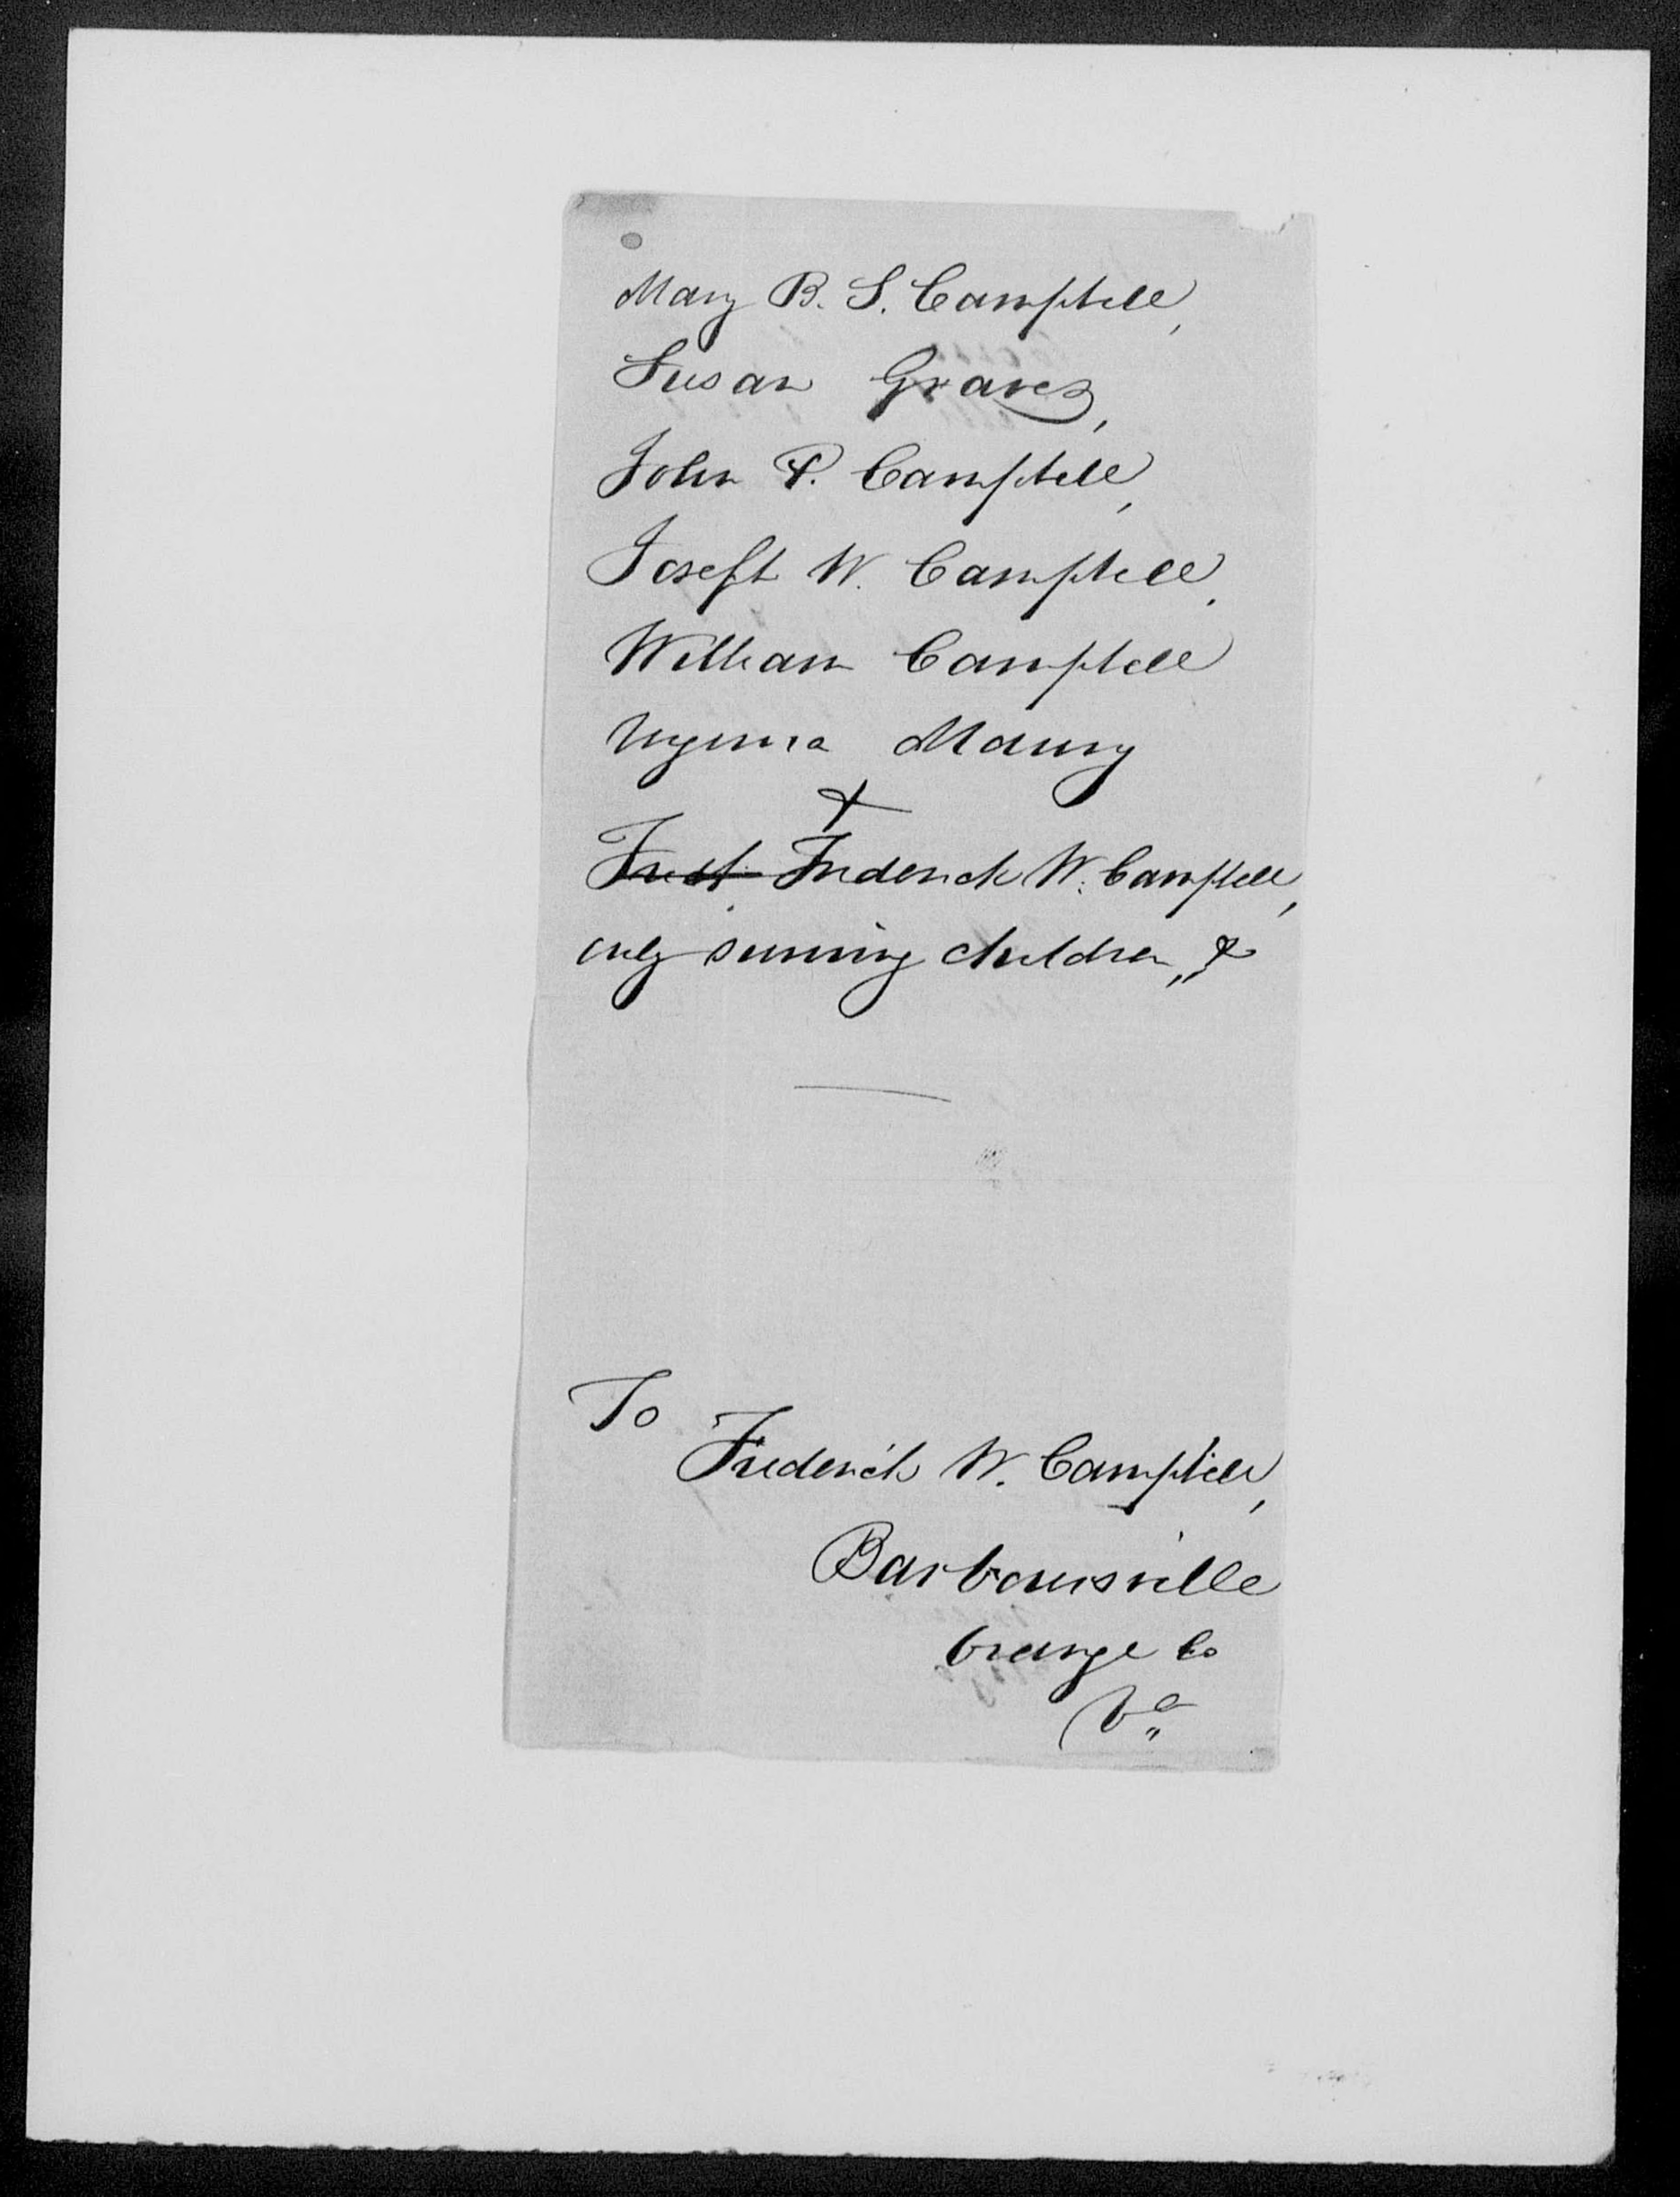Mary P. Campbell,
Susan Graves,
John P. Campbellk,
Joseph W. Campbell,
William Campbell
Virginia Maury
+[and]
[cross out] Fredf [end cross out] Frederick W. Campbell, only surviving children, +c [et cetera]



To Frederick W. Campbell
Barboursville
Orange Co
Va.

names: Joseph W Campbell, Susan Graves, John P Campbell, Mary B T Campbell, Virginia Maury, Frederick W Campbell, William Campbell, Frederick W Campbell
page: 49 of 267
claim: widow's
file: W. 4,149, William Campbell, Va.